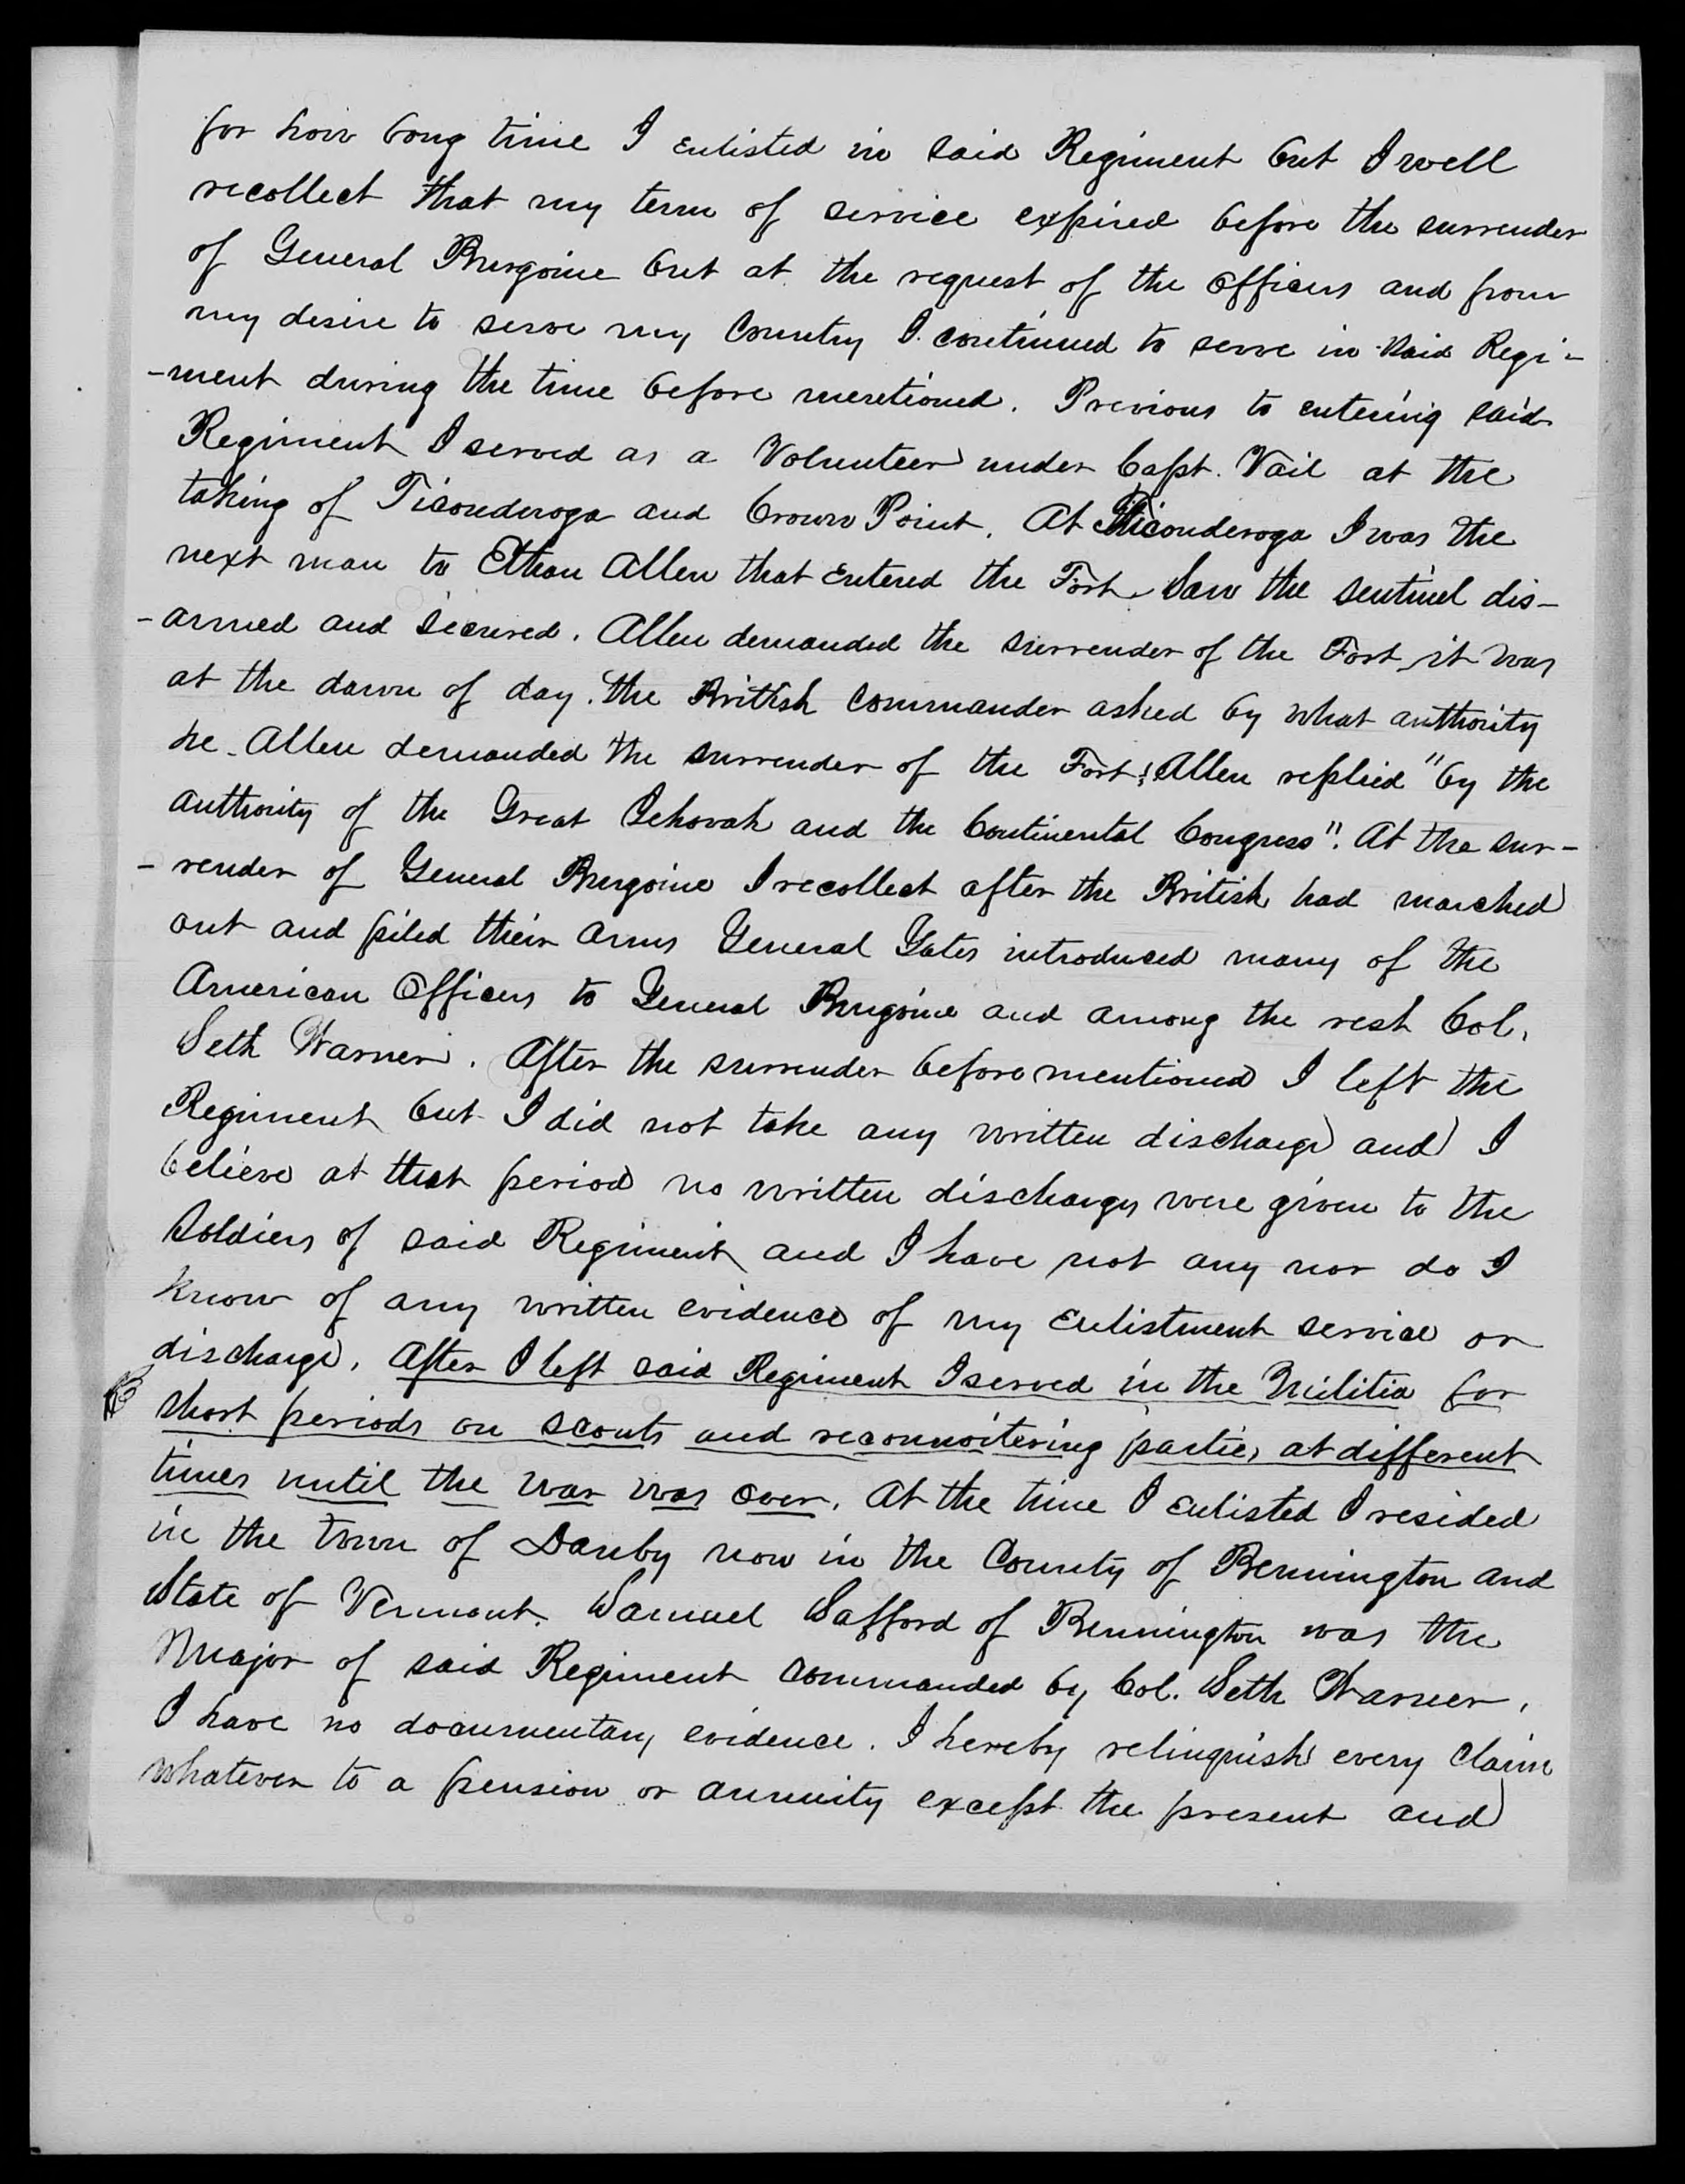for how long time I enlisted in said Regiment but I well recollect that my term of service expired before the surrender of General Burgoine [Burgoyne] but at the request of the officers and from my desire to serve my country I continued to serve in said Regiment during the time before mentioned.  Previous to entering said Regiment I served as a Volunteer under Capt. Vail at the taking of Ticonderoga and Crown Point.  At Ticonderoga I was the next man to Ethan Allen that entered the Fort.  Saw the sentinel disarmed and secured.  Allen demanded the surrender of the Fort it was at the dawn of day. The British commander asked by what authority &c Allen demanded the surrender of the Fort. Allen replied "by the authority of the Great Jehovah and the Continental Congress."  At the surrender of General Burgoine [Burgoyne] I recollect after the British had marched out and piled[?] their arms General Gates introduced many of the American Officers to General Burgoine [Burgoyne] and among the rest Col. Seth Warren.  After the surrender before mentioned I left the Regiment but I did not take any written discharge and I believe at that period no written discharges were given to the Soldiers of said Regiment and I have not any nor do I know of any written evidence of my enlistment service on discharge. [underlined] After I left said Regiment I served in the Militia for short periods on scouts and reconnoitering parties at different times until the war was over. [/underlined] At the time I enlisted I resided in the town of Danby now in the County of Bennington and State of Vermont.  Samuel Safford of Bennington was the Major of said Regiment commanded by Col. Seth Warren.  I have no documentary evidence.  I hereby relinquish every claim whatever to a pension or annuity except the present and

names: Ethan Allen; Seth Warner; [BLANK] Gates; [BLANK] Burgoine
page: 94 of 99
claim: widow's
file: W. 24,482, for Richard Lattin, Vermont